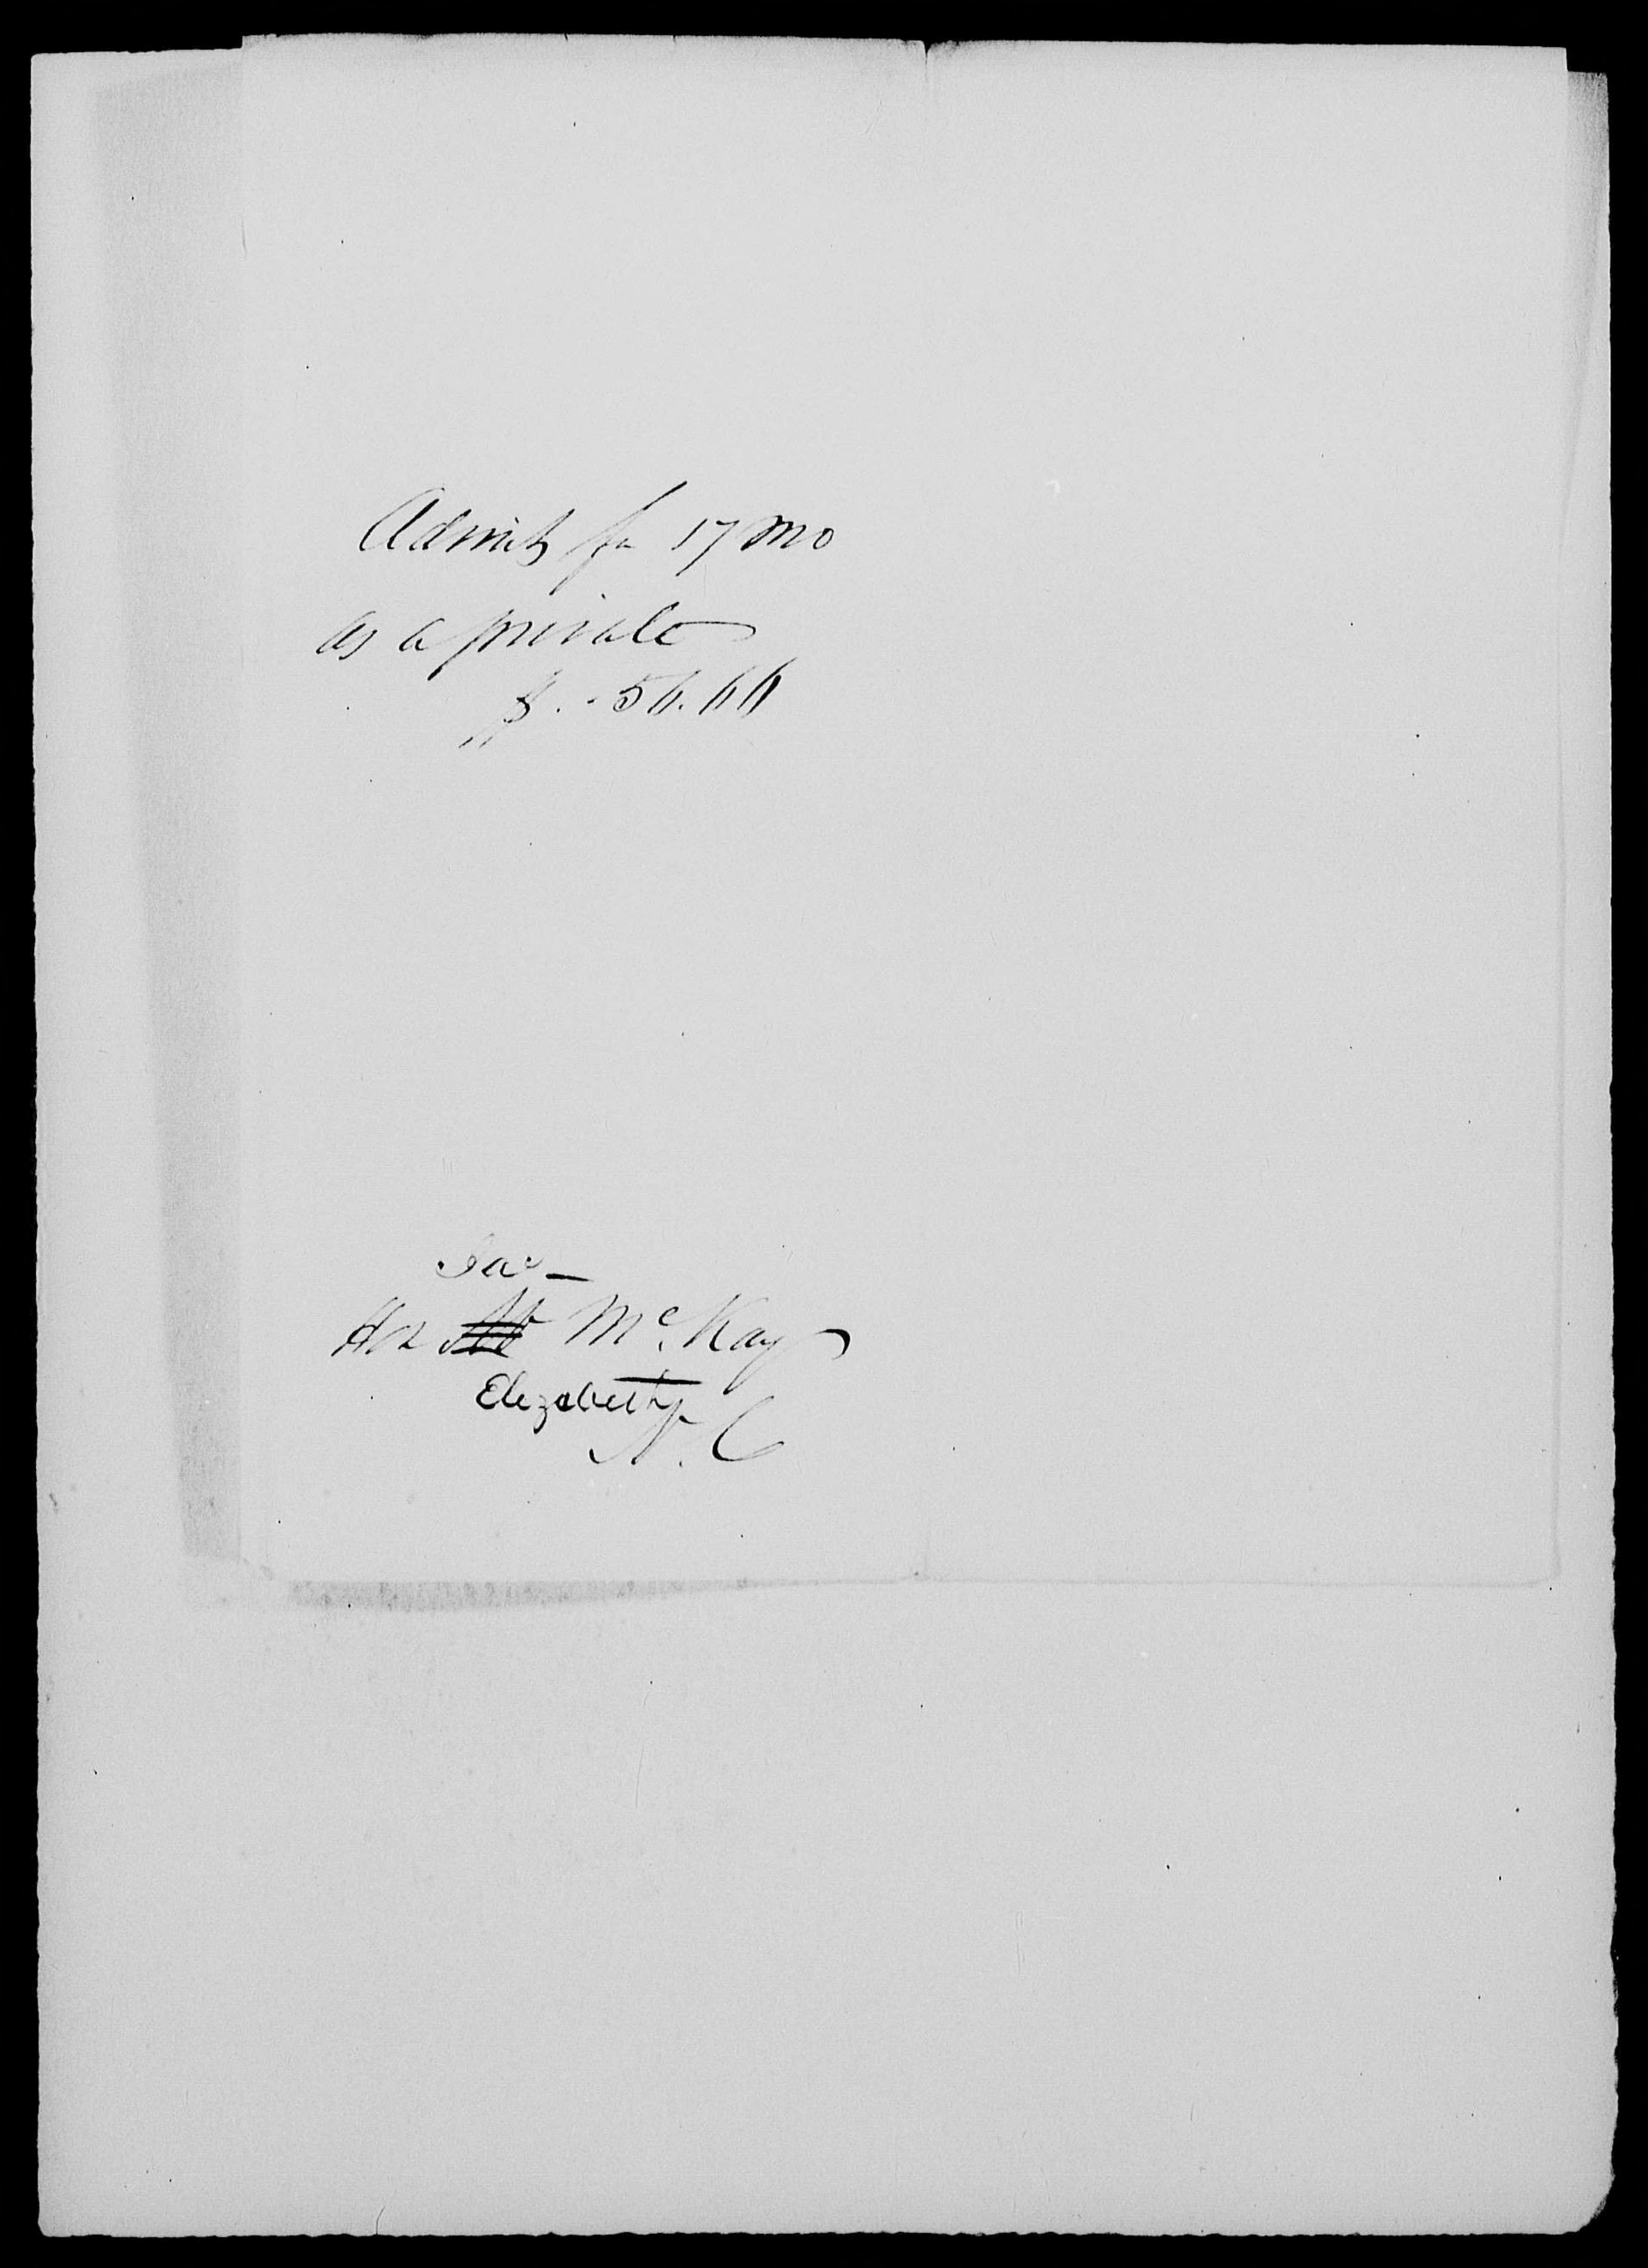Admit for 17 mo
as a private
    $56.66


Hon ["Ab" is crossed and Is'c is inserted from above] Is'c McKay
           Elizabeth N.C.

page: 24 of 40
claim: widow's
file: W. 5304, for Zachariah Jacobs, North Carolina